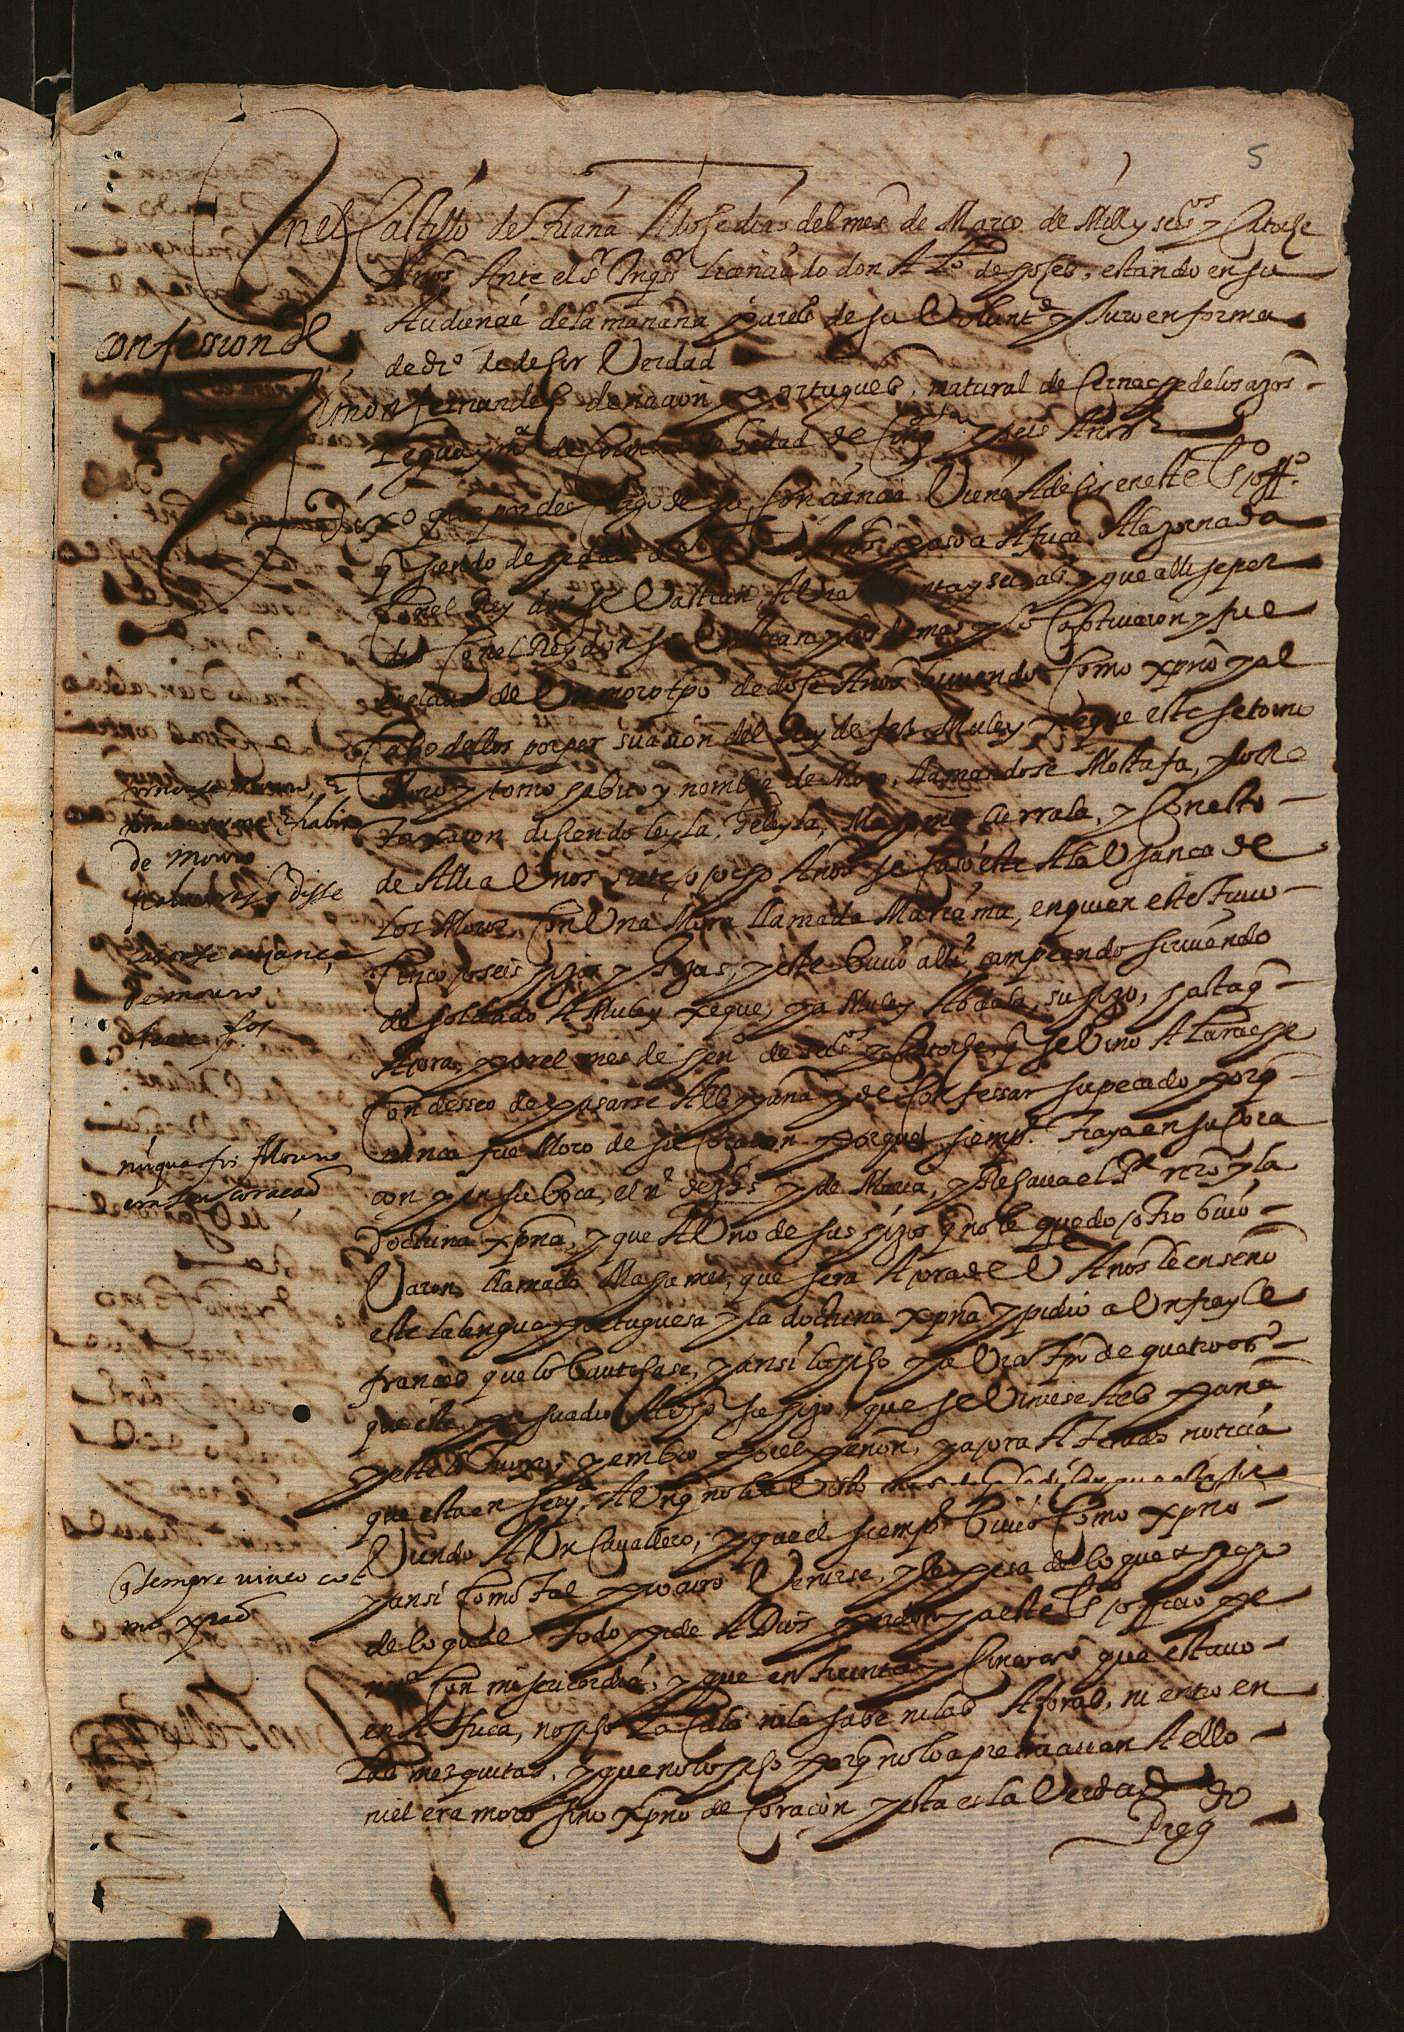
En el Castillo de Triana A doze dias del mes de Março de Mill y seisos y Catorze
Anos̄ Ante el sr Inꝗssor Licenciado don AL̄o de hozes, estando em su
Audiencia de la manāna parecio de su Voluntd y Iuro en forma
confession de
de dro de decir Verdad
Simon fernandes de nacion portugues, natural de Cernache de los ajos
Legua y ma de Coimbra de hedad de Cinqta y seis Anos
Dixo que por desCargo de su Conciencia Viene A decir en este sto off.o
q̄ siendo de hedad de Vte Anos̄ paso a Africa A la jornada
Con el Rey don SeVastian, Avia treinta y seis as̄ y que elle se per
dio Con el Rey don seVastian y los demas y lo Captiuaron y fue
esclauo de Vn moro tpō de doze Anos̄ biuiendo Como xpnō y al
Cabo dellos por persuasion del Rey de fez Mueley Xeque este se torno
Moro y tomo habito y nombre de Moro, llamandose Mostafa, y lo Re
tornouse Mouro, E
tomou nome E habito
de mouro
palauras q̄ disse
taxaron disiendo leyla, heleyla, Mahome currala, y Con esto
de Alli a Vnos siete o ocho Anōs se Caso este A la vsança de
los Moros, Con Vna Mora llamada Mariama, en quien este tuuo
Cinco o seis hijos y hijas, y este biuio alli, campeando siruiendo
casouse a uzança
de mouro.
teue fos
de soldado A Muley Xeque, y a Muley Abdala, su hijo, hasta q̄
Aiora por el mes de feuo de seisos y Catorze, q̄ se vino A Larache
Con desseo de pasarse A espanña y de Confessar su pecado porq̄
nunca fue Moro de su Coraçon porque siemp.e traya en su Cora
nūqua foi Mouro
em seu coraçaõ
çon y en su boca, el n.e de jhs̄ y de Maria, y Rezaua el Pe nrō y la
doctrina xpnā, y que A Vno de sus hijos q̄ no le que do otro biuo
Varon llamado Mahamet, que sera Aora de Vte Anos̄ le enseño
este la lengua portuguesa y la doctrina xpnā y pedio a vn frayle
frances que lo bautizase, y ansi lo hizo y avia tpō de quatro as̄
que este pesuadio Al dhō su hijo que se viniese A espanā
y este lo truxo, y embio por el penōr, y aora A tenido noticia
que esta en seuj.a Avnq̄ no le a visto mas lo q_ le dizen que esta sir
Viendo A Vn Cauallero, y que el siempre biuio Como xpnō
q̄ sempre uiueo co
mo xpaõ
y ansi Como tal procuro Venierse, y le pesa de lo que a hecho
de lo qual todo pide A Dios perdon y a este sto / officio pe
nita Con misericordia, y que en treinta y Cinco as̄ que estuuo
en Africa, no hizo La Çala ni la sabe ni las Azoras, ni entro en
Las mezquitas. y que no lo hizo porq̄ no lo apremeauan A ello
ni el era moro sino xpn̄o de Coraçon y esta es la Verdad
Pregdo
